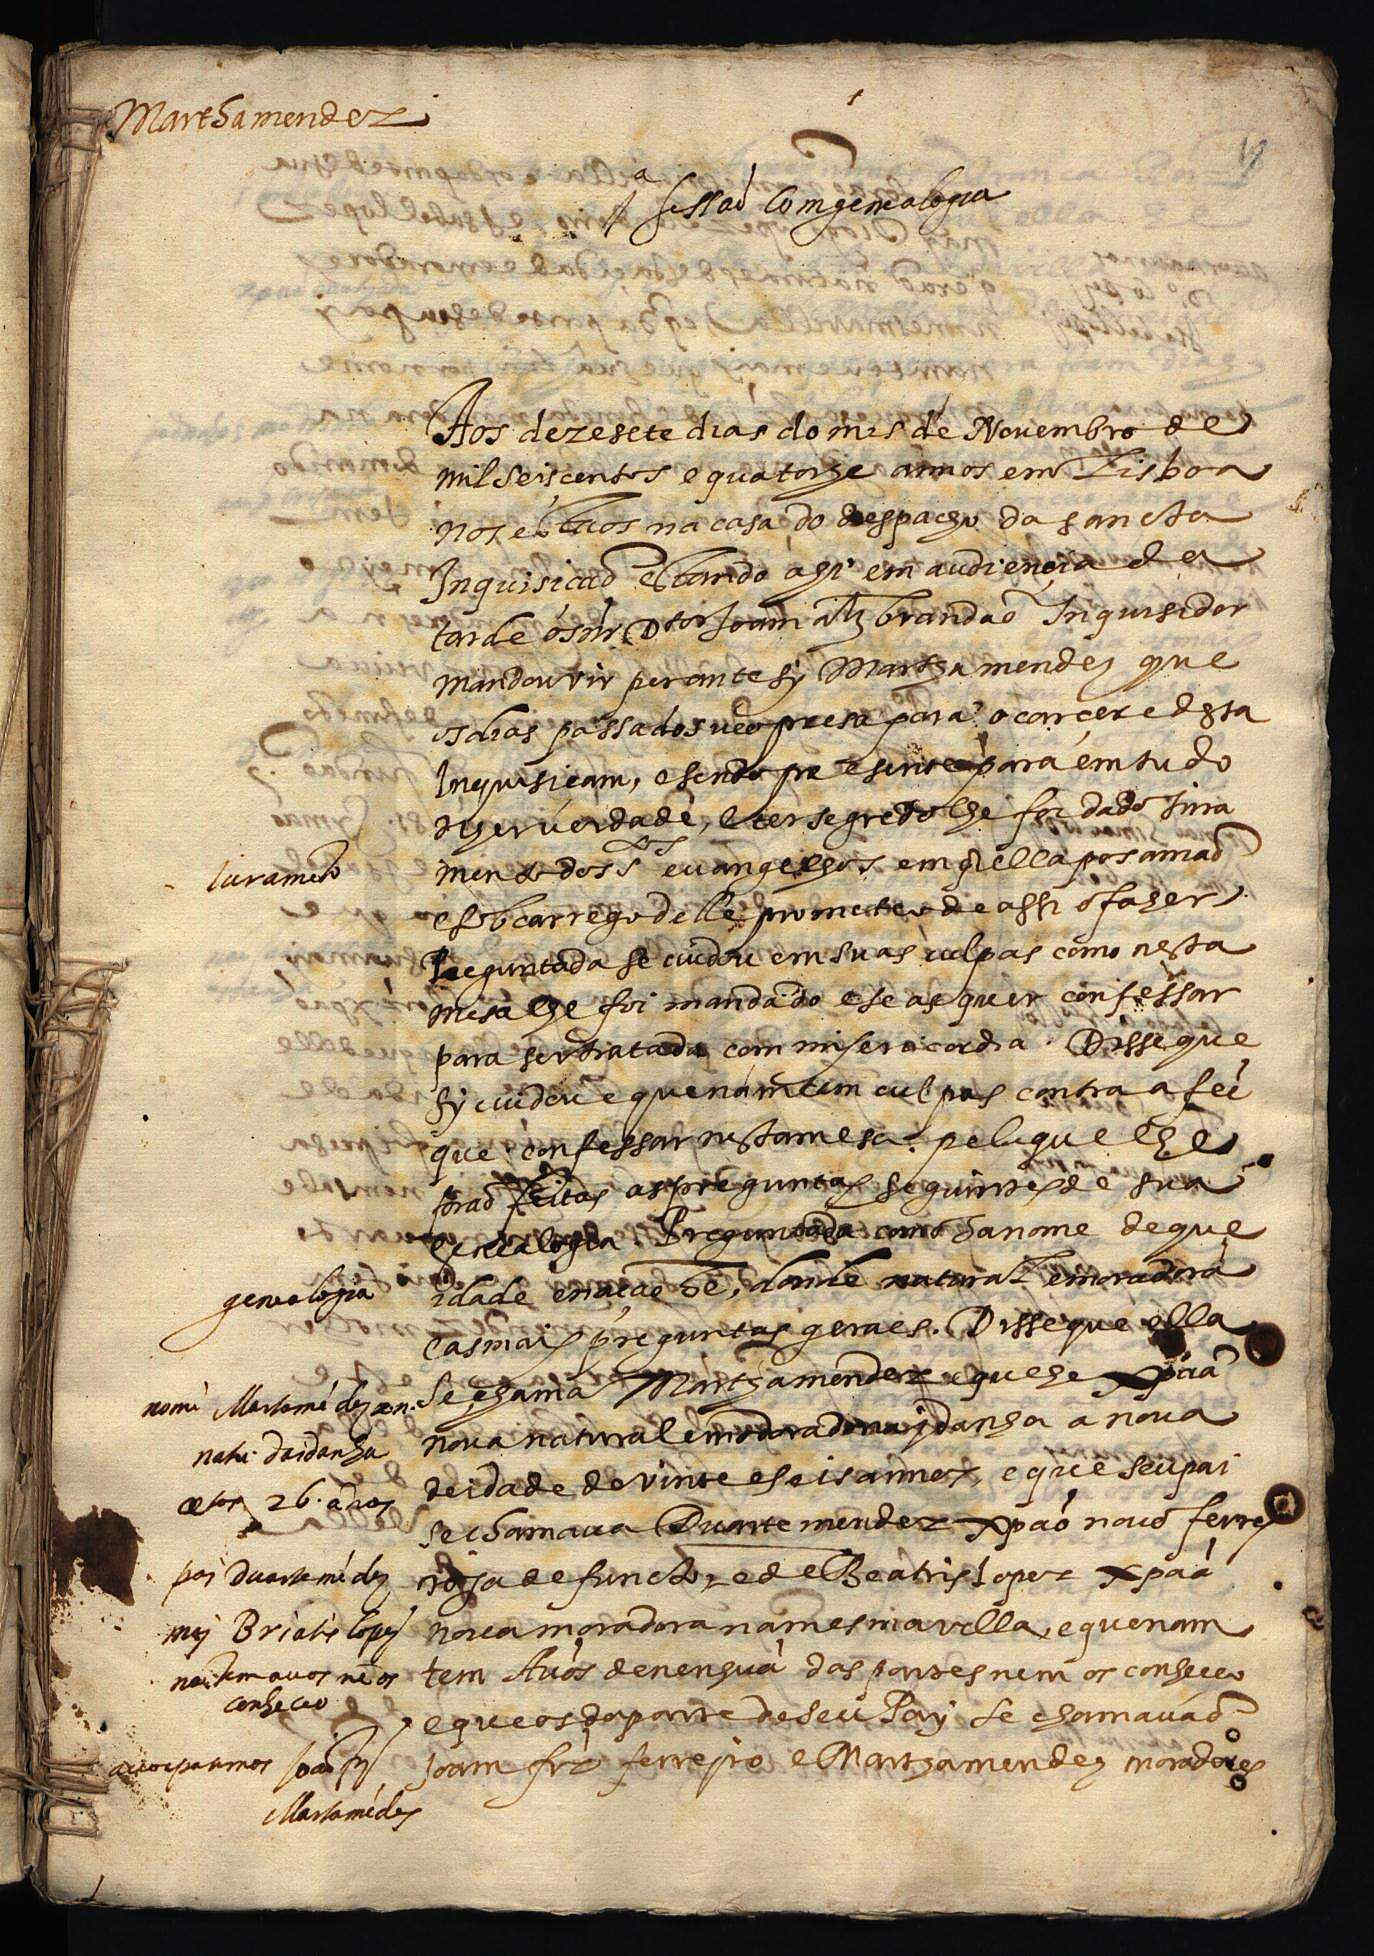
1a Sessaõ Com genealogia
Aos dezesete dias do mes de Nouembro de
mil seisçentos e quatorze annos em Lisboa
nos estaos na casa do despacho da sancta
Inquisiçaõ estando ahi em audiençia da
tarde o sn̄r Dtor Joam al̄z brandaõ Inquisidor
mandou vir perante sy Martha mendez que
os dias passados ueo presa para o carçere desta
Inquisiçam, e sendo presente para em tudo
dizer uerdade, e ter segredo lhe foi dado Iura
mento dos stos euangelhos em q̄ ella pos a maõ
e sob carrego delle prometeo de assi o fazer.
Preguntada se cuidou em suas culpas como nesta
mesa lhe foi mandado e se as quer confessar
para ser tratada com misericordia. Disse que
sy cuidou e que nam tem culpas contra a feé
que confessar nesta mesa. pelo que lhe
foraõ feitas as preguntas seguintes de sua
genealogia. Preguntada como ha nome de que
idade e naçaõ he, donde naturaL e moradora
e as mais preguntas geraes. Disse que ella
se chama Martha mendez e que he Xpaã
noua natural e moradora na jdanha a noua
de idade de vinte e seis annos, e que seu pai
se chamaua Duarte mendez Xpaõ nouo ferrej
ro ja defuncto, e de Beatris lopez Xpaã
noua moradora na mesma villa e que nam
tem Auós de nenhuā das partes nem os conheçeo
e que os da parte de seu Pay se chamauaõ
Joam frz̄ ferrejro e Martha mendez moradores
